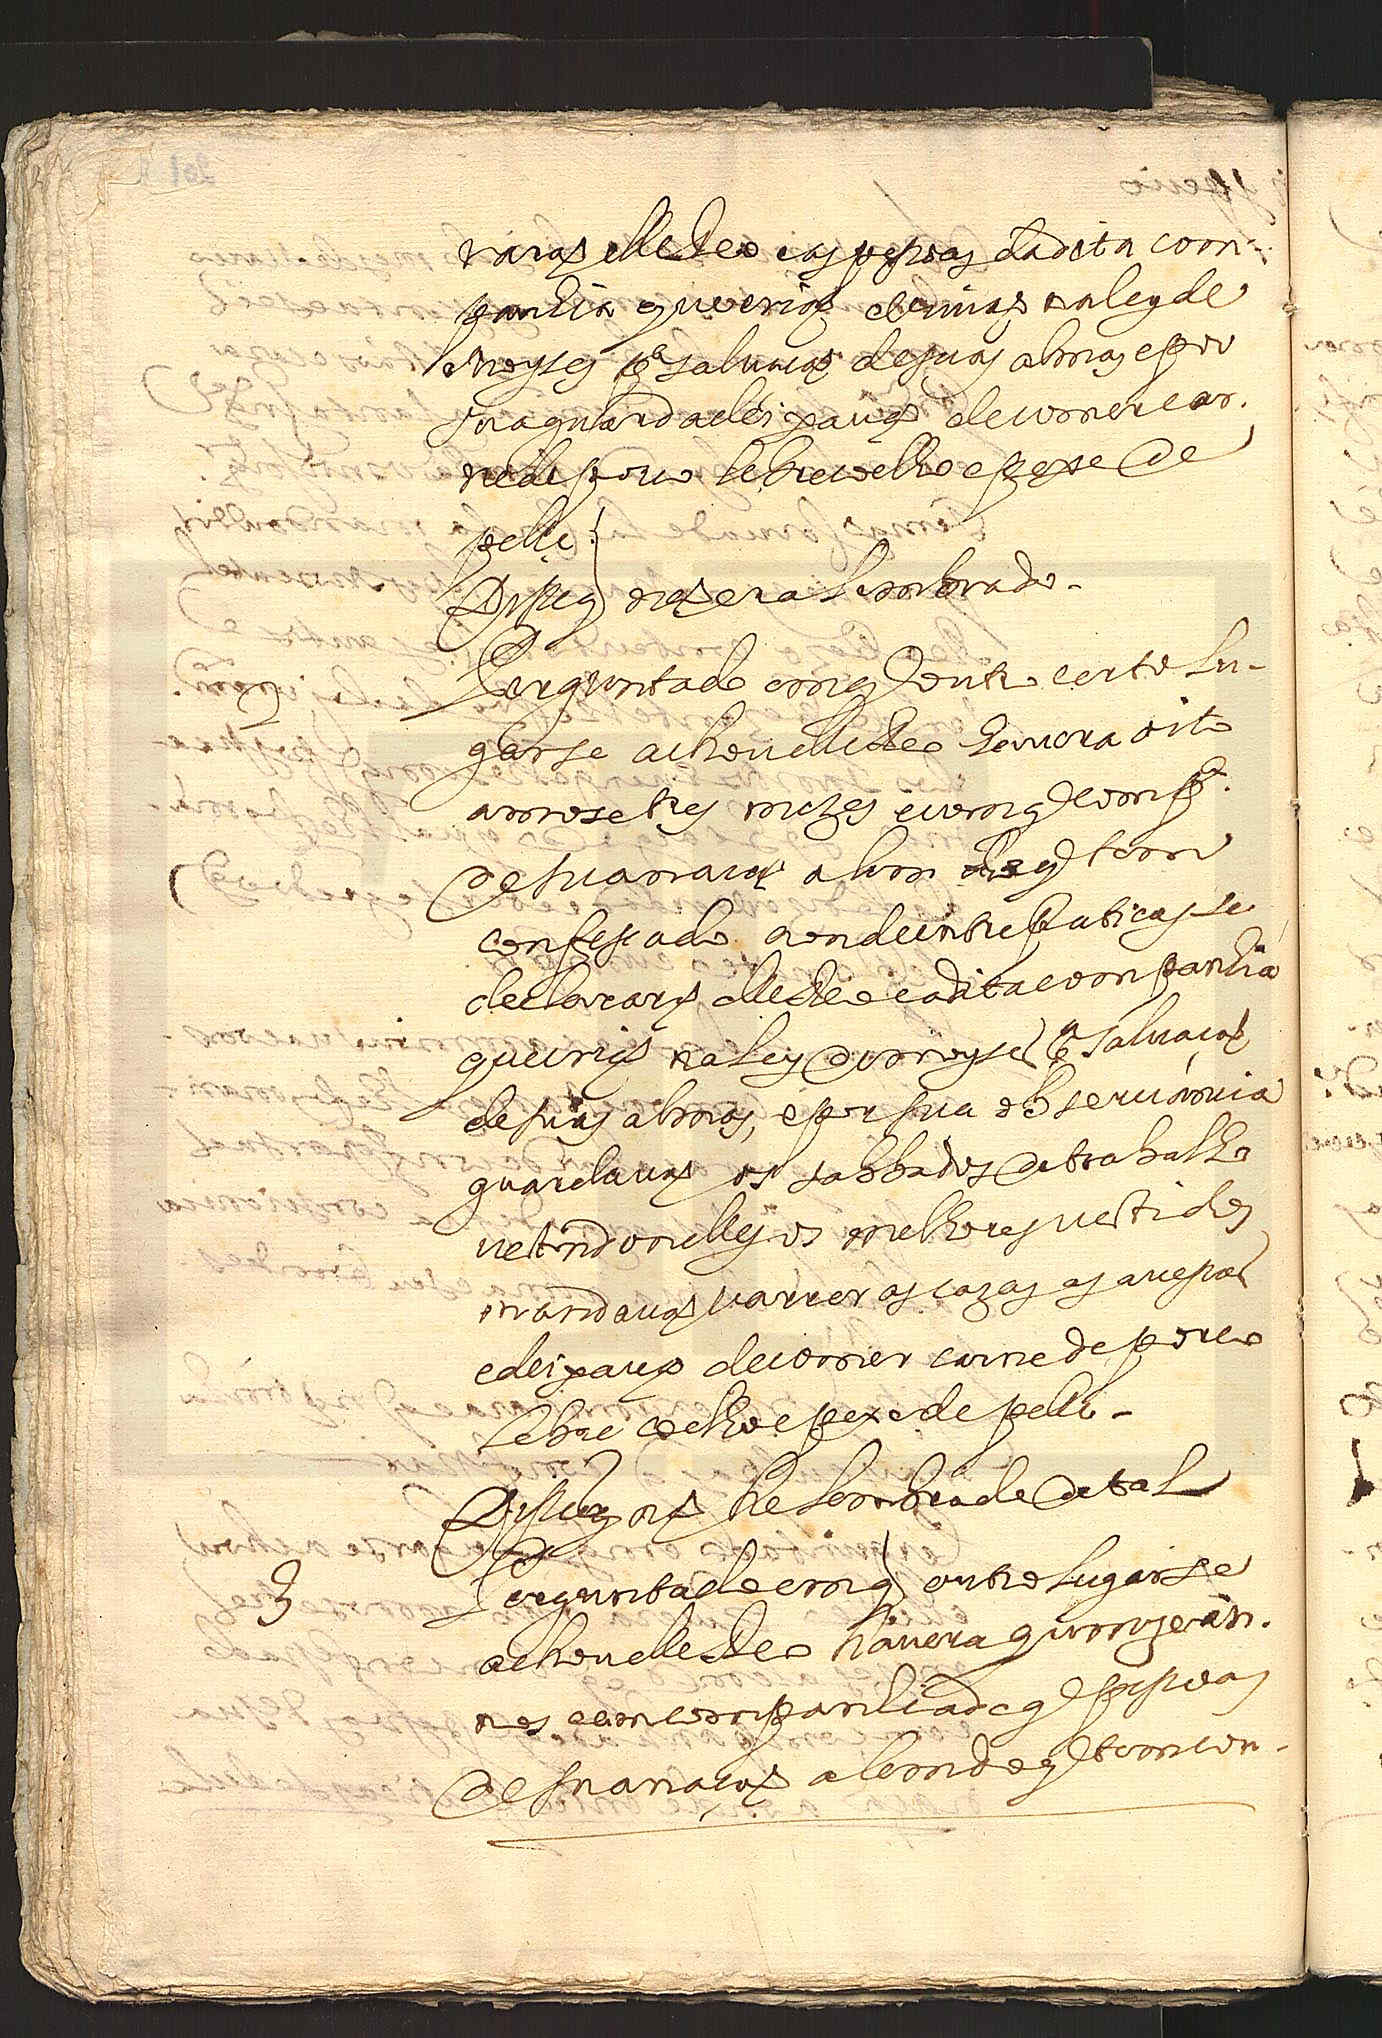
raraõ elle Reo e as pessoas da dita com
panhia que criaõ e viuiaõ na ley de
Moyses pa saluaçaõ de suas almas e por
sua guarda deixauaõ de comer car
ne de porco lebre coelho e pexe de
pelle?
Disse q̄ naõ era Lembrado.
Perguntado em q̄ outro certo Lu
gar se achou elle Reo hauera oito
annos e tres mezes e com q̄ compa
de sua nacaõ alem do q̄ tem
confessado aonde entre praticas se
declararaõ elle Reo e a dita companhia
que criaõ na Ley de moyses pa saluaçaõ
de suas almas, e por sua obseruancia
guardauaõ os sabbados de trabalho
uestindo nelles os melhores uestidos
mandauaõ uarrer as cazas as auessas
e deixauaõ de comer carne de porco
Lebre coelho e pexe de pelle
Disse q̄ naõ he Lembrado de taL
Perguntado em q̄ outro Lugar se
achou elle Reo hauera quinze an
nos e em companhia de q̄ pessoas
de sua naçaõ alem do q̄ tem con
